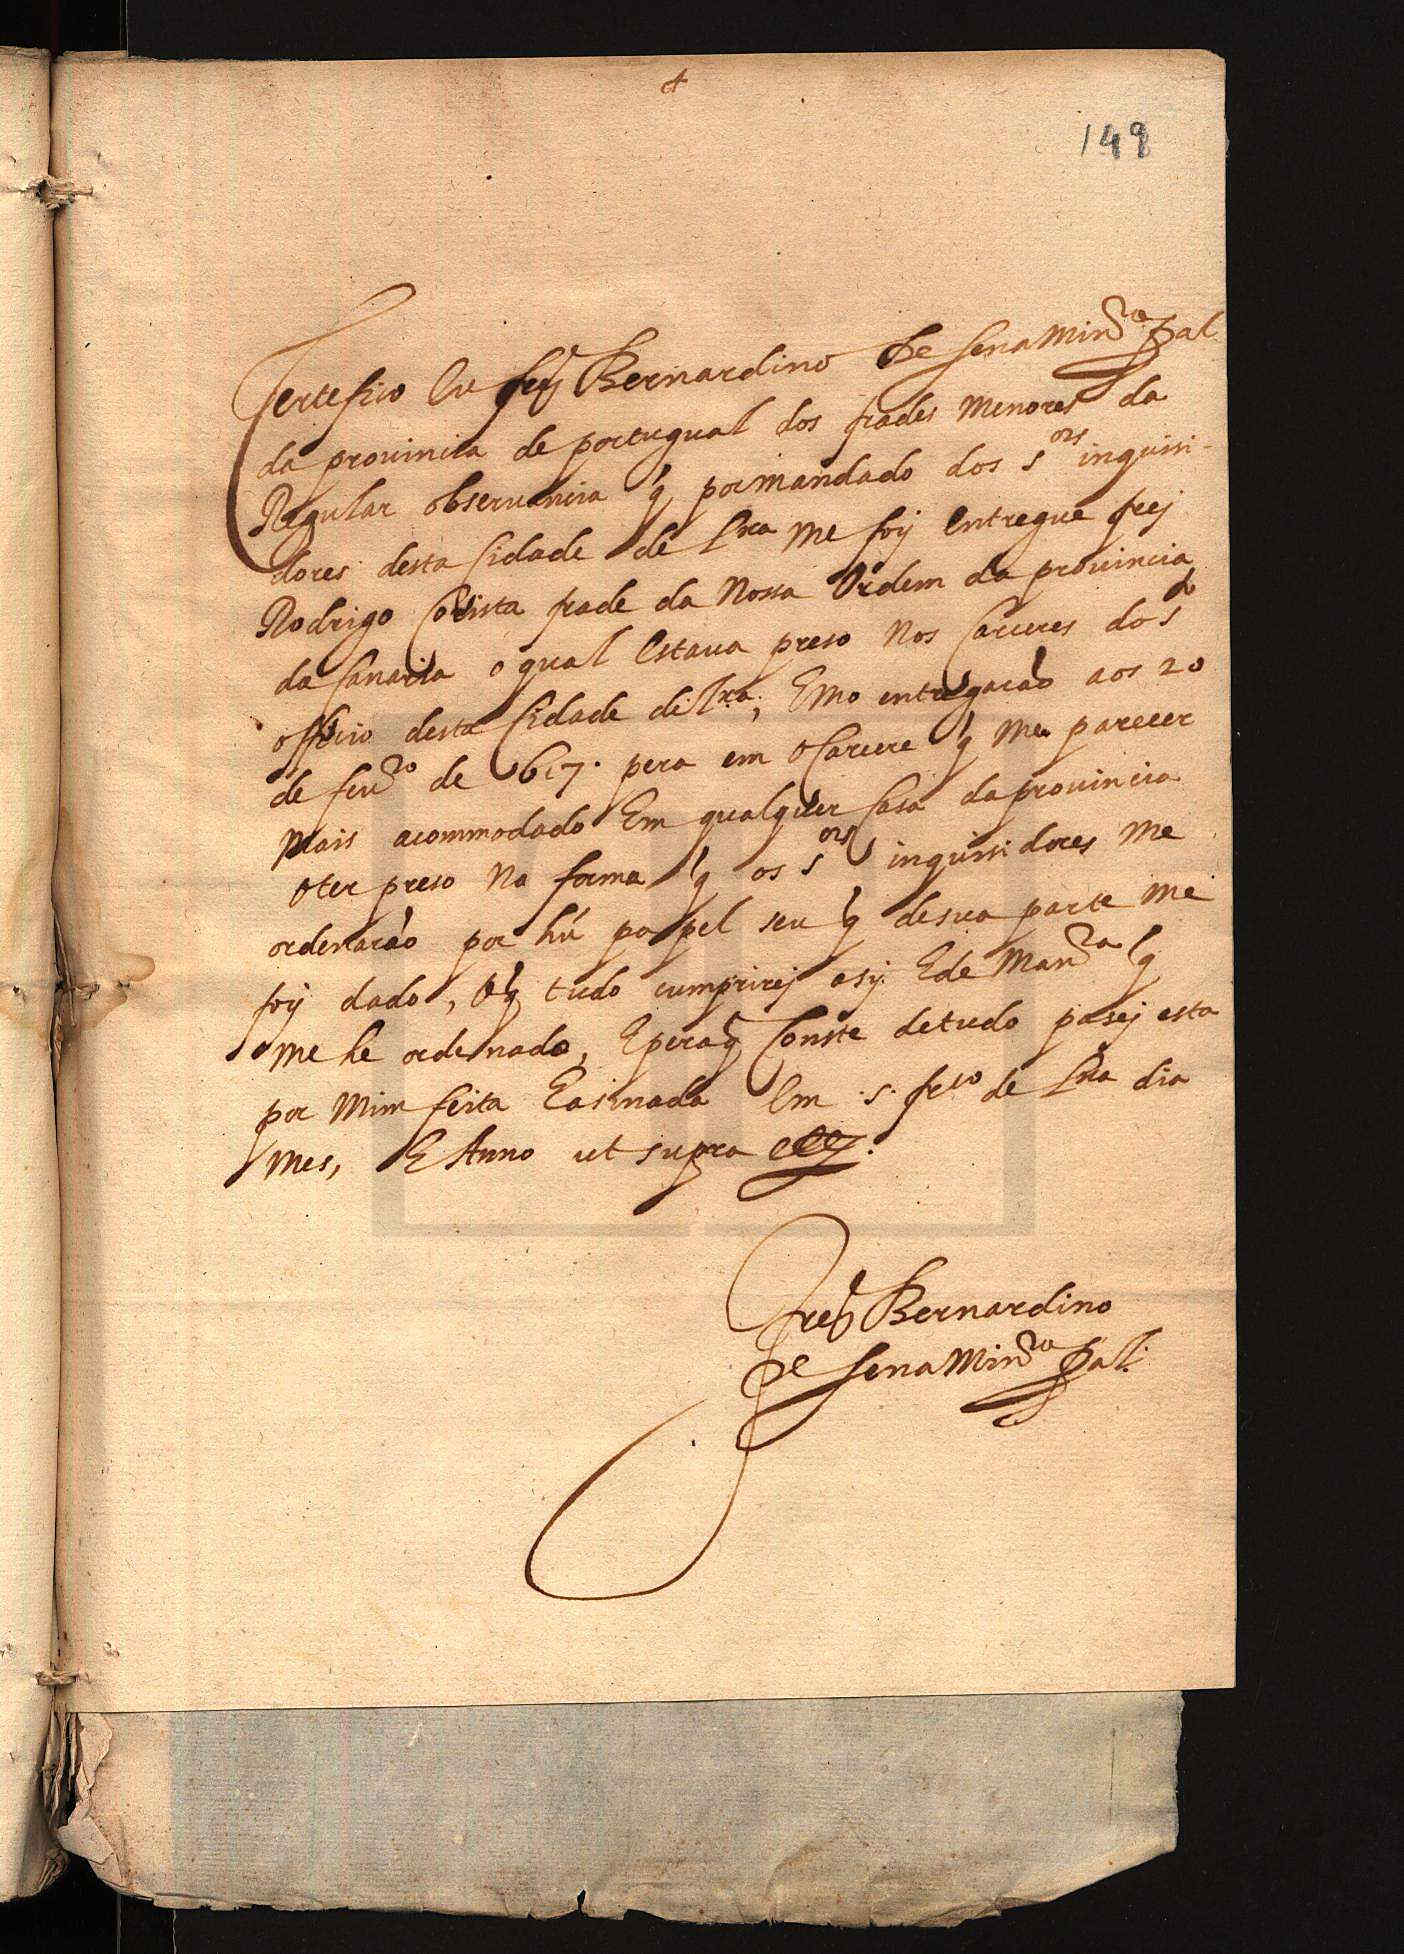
Certefico eu frej Bernardino De senaminra ꝓal
da prouinicia de portugual dos frades menores da
Regular obseruancia q̄ por mandado dos sors inquisi
dores desta Cidade de Lxa me foy entregue frej
Rodrigo Corista frade da Nossa Ordem da prouincia
da Canaria o qual estaua preso nos Carceres do sto
officio desta Cidade de Lxa; E mo entregaraõ aos 20
de feuro de 617. pera em o Carcere q̄ me parecer
mais acommodado Em qualquer Casa da prouincia
o ter preso na forma q̄ os sors inquisidores me
ordenaraõ por hū papel seu q̄ de sua parte me
foy dado, O q̄ tudo cumprirej asy E de manra q̄
me he ordenado, E pera q̄ Conste de tudo pasej esta
por mim feita E asinada em .s. frco de Lxa dia
mes, E Anno ut supra ettꝭ.
frej Bernardino
De sena minra ꝓal
